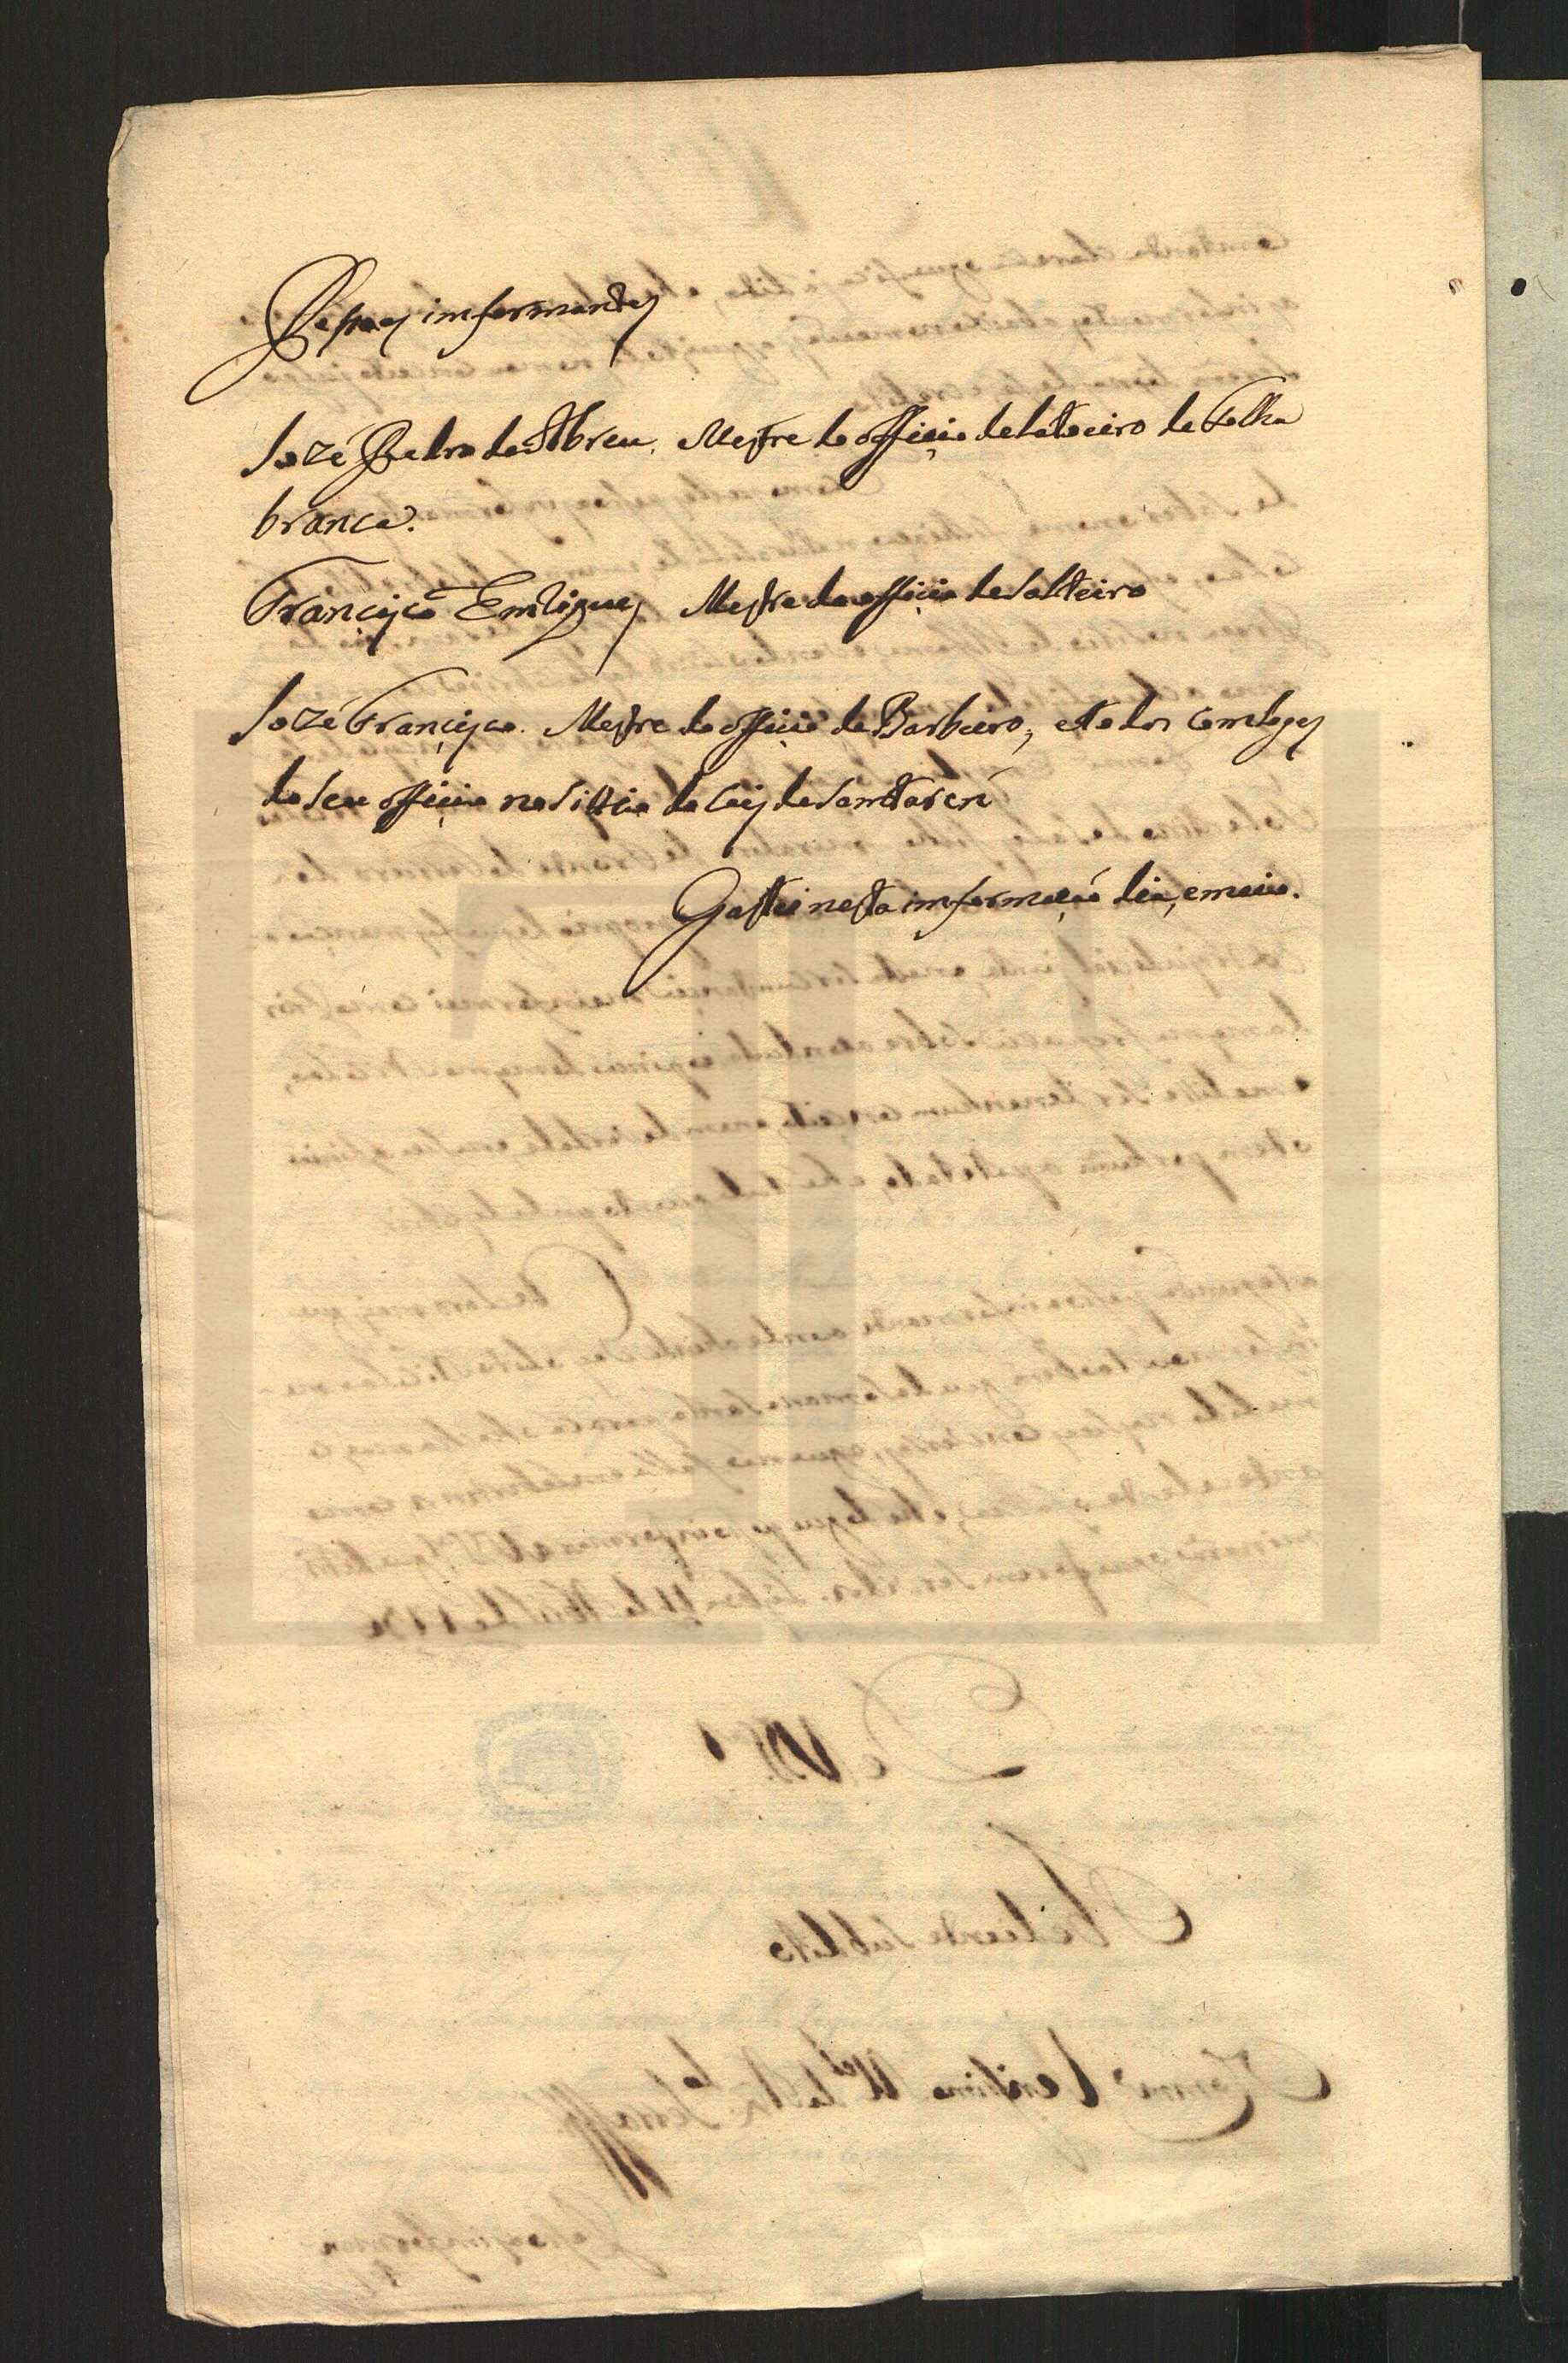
Pessoas imformantes
Iozé Pedro de Abreu, Mestre do officio de Iatoeiro de Folha
branca.
Francisco EmRiques Mestre do officio de Salteiro
Iozé Francisco Mestre do officio de Barbeiro, e todos com loges
do seu officio no sittio do Ceis de Samtaren̄
Gastei nesta imformaçaõ dia, e meio.
